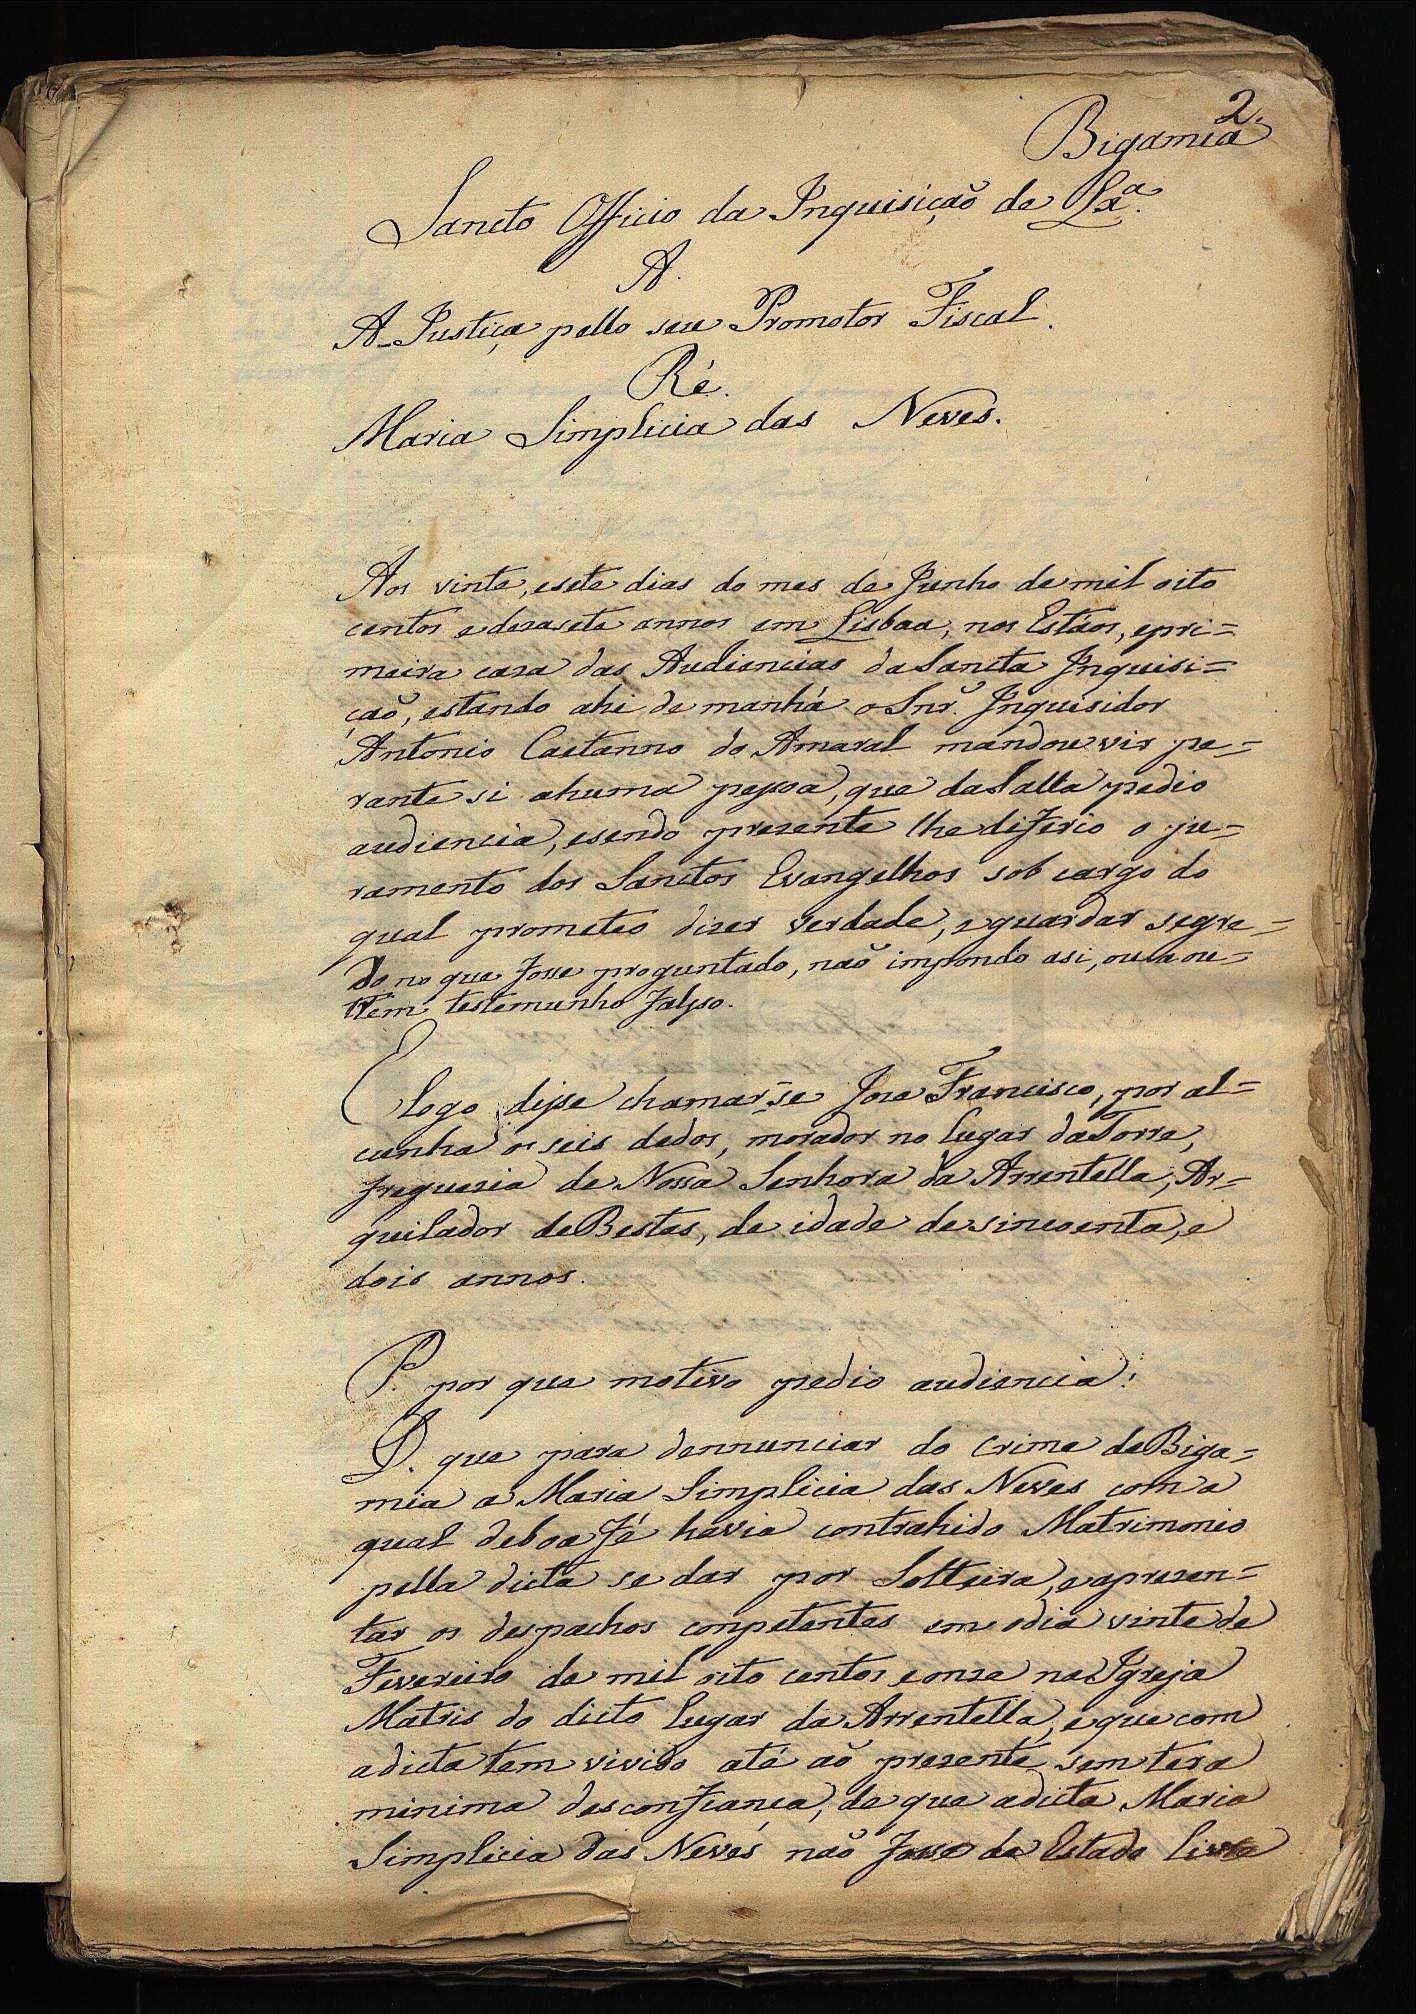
Bigamia
Sancto Officio da Inquisição de Lxa.
A.
A Iustiça pello seu Promotor Fiscal.
Ré
Maria Simplicia das Neves.
Aos vinte, e sete dias do mes de Junho de mil oito
centos e dezasete annos em Lisboa, nos Estáos, e pri
meira caza das Audiencias da Sancta Jnquisi
çaõ, estando ahi de manhã o Snr̄. Jnquisidor
Antonio Caetanno do Amaral mandou vir pe
rante si a huma pessoa, que na Salla pedio
audiencia, e sendo prezente lhe diferio o ju
ramento dos Sanctos Evangelhos sob cargo do
qual prometeo dizer verdade, e guardar segre
do no que fosse proguntado, naõ impondo asi, ou a ou
trem testemunho falso.
E Logo disse chamar-se Joze Francisco, por al
cunha os seis dedos, morador no Lugar da Torre,
freguesia de Nossa Senhora da Arrentella, Ar
quilador de Bestas, da idade de sincoenta, e
dois annos.
P. porque motivo pedio audiencia.
D. que para dennunciar do crime de Biga-
mia a Maria Simplicia das Neves com a
qual de boa fé havia contrahido Matrimonio
pella dicta se dar por Solteira, e apresen
tar os despachos competentes em o dia vinte de
Fevereiro de mil oito centos e onze na Igreja
Matris do dicto Lugar da Arrentella, e que com
a dicta tem vivido até aõ prezente sem ter a
minima desconfiança, de que a dicta Maria
Simplicia da Neves naõ fosse de Estado Livre
